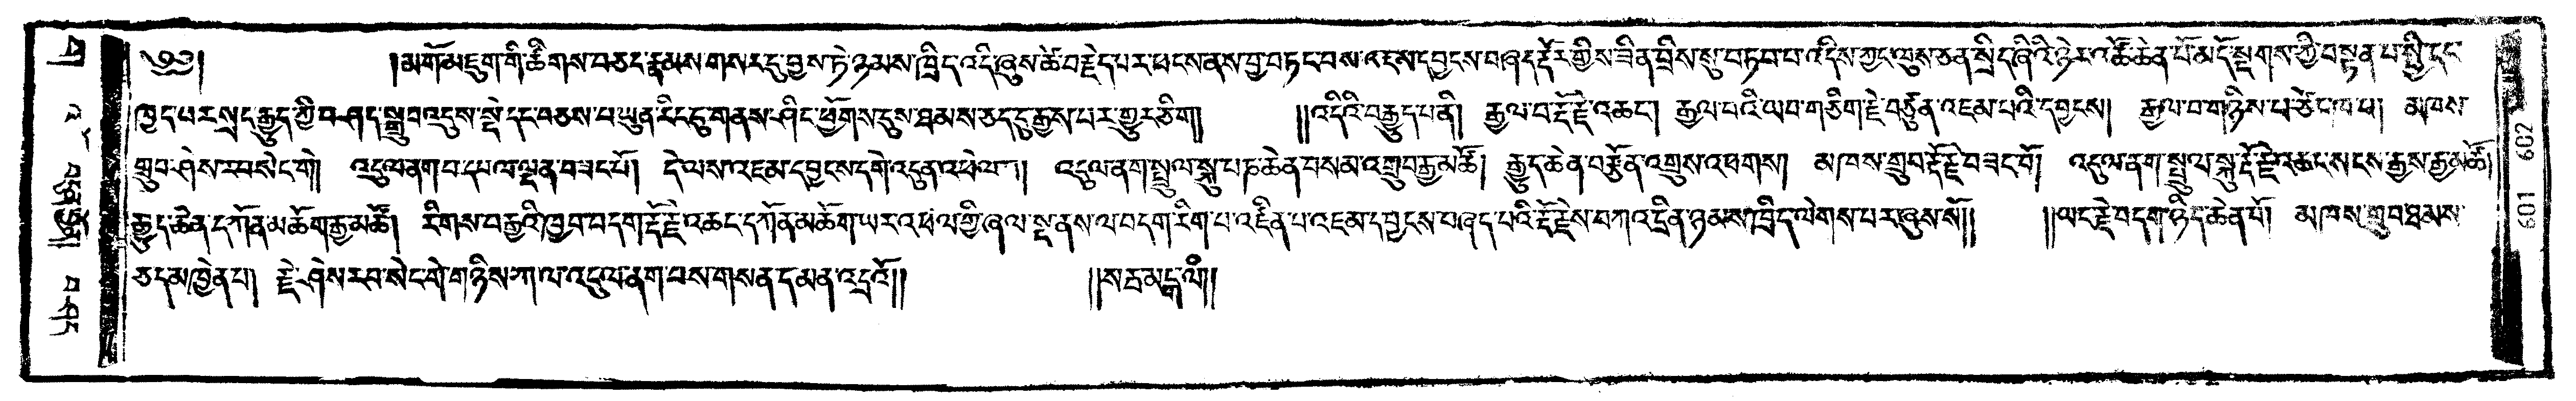༄༅། །མགོ་མཇུག་གི་ཚིགས་བཅད་རྣམས་གསར་དུ་བྱས་ཏེ་ཉམས་ཁྲིད་འདི་ཞུས་ཚེ་བརྗེད་པར་ཕངས་ནས་བྱ་བཏང་བས་འཇམ་དབྱངས་བཞད་རྡོར་གྱིས་ཟིན་བྲིས་སུ་བཏབ་པ་འདིས་ཀྱང་ལུས་ཅན་སྲིད་ཞིའི་ཉེར་འཚོ་ཆེན་པོ་མདོ་སྔགས་ཀྱི་བསྟན་པ་སྤྱི་དང་
ཁྱད་པར་སྲད་རྒྱུད་ཀྱི་བཤད་སྒྲུབ་འདུས་སྡེ་དང་བཅས་པ་ཡུན་རིང་དུ་གནས་ཤིང་ཕྱོགས་དུས་ཐམས་ཅད་དུ་རྒྱས་པར་གྱུར་ཅིག། །།འདིའི་བརྒྱུད་པ་ནི། རྒྱལ་བ་རྡོ་རྗེ་འཆང་། རྒྱལ་བའི་ཡབ་གཅིག་རྗེ་བཙུན་འཇམ་པའི་དབྱངས། རྒྱལ་བ་གཉིས་པ་ཙོང་ཁ་པ། མཁས་
གྲུབ་ཤེས་རབ་སེང་གེ། འདུལ་ནག་པ་དཔལ་ལྡན་བཟང་པོ། དེ་ལས་འཇམ་དབྱངས་དགེ་འདུན་འཕེལ།། འདུལ་ནག་སྤྲུལ་སྐུ་པཎ་ཆེན་བསམ་འགྲུབ་རྒྱ་མཚོ། རྒྱུད་ཆེན་བརྩོན་འགྲུས་འཕགས། མཁས་གྲུབ་རྡོ་རྗེ་བཟང་པོ། འདུལ་ནག་སྤྲུལ་སྐུ་རྡོ་རྗེ་འཆང་སངས་རྒྱས་རྒྱ་མཚོ།
རྒྱུད་ཆེན་དཀོན་མཆོག་རྒྱ་མཚོ། རིགས་བརྒྱའི་ཁྱབ་བདག་རྡོ་རྗེ་འཆང་དཀོན་མཆོག་ཡར་འཕེལ་གྱི་ཞལ་སྔ་ནས་ལ་བདག་རིག་པ་འཛིན་པ་འཇམ་དབྱངས་བཞད་པའི་རྡོ་རྗེས་བཀའ་དྲིན་ཉམས་ཁྲིད་ལེགས་པར་ཞུས་སོ།། །།ཡང་རྗེ་བདག་ཉིད་ཆེན་པོ། མཁས་གྲུབ་ཐམས་
ཅད་མཁྱེན་པ། རྗེ་ཤེས་རབ་སེང་གེ་གཉིས་ཀ་ལ་འདུལ་ནག་བསགས་ན་དམན་འདྲའོ།། །།སརྦ་མངྒ་ལཾ།།